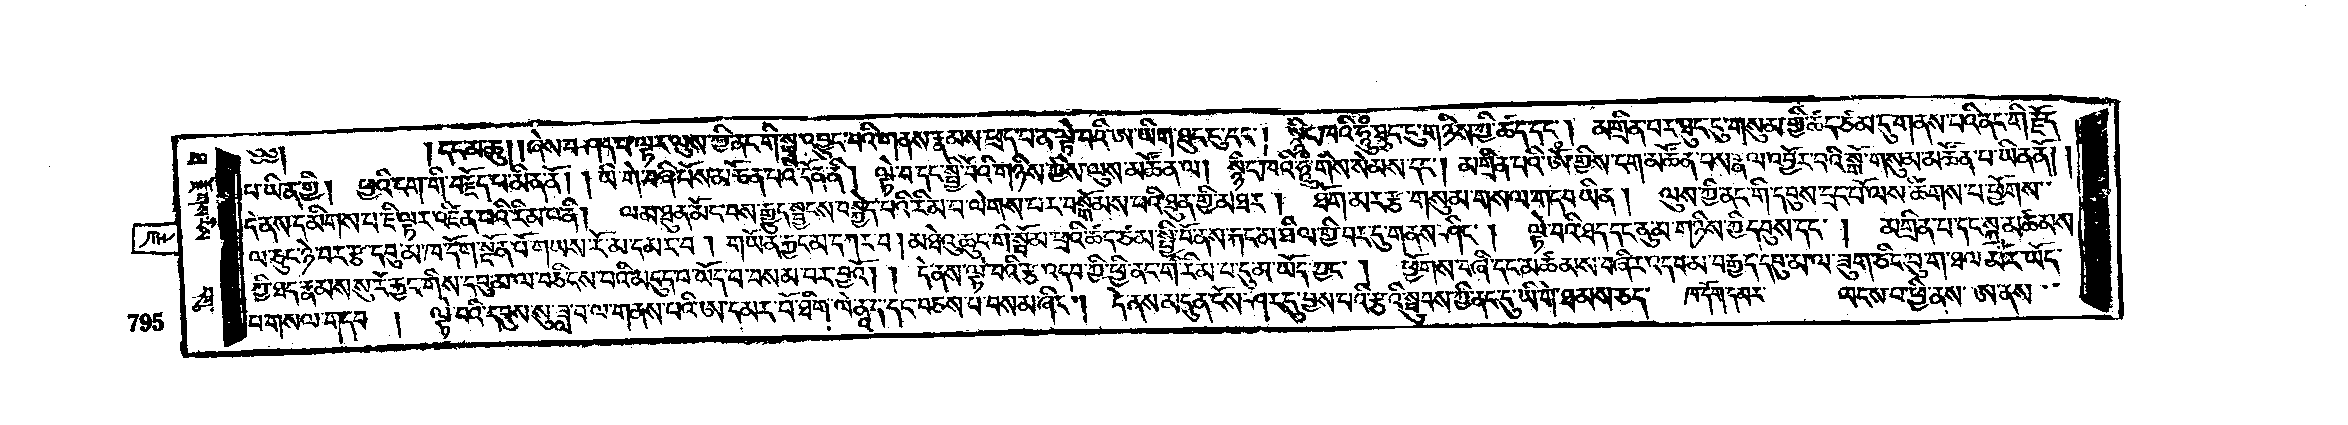༄༅། །དང་མ་ཆུ། །ཞེས་བཤད་པ་ལྟར་ལུས་ཀྱི་ནང་གི་སྒྲ་འབྱུང་བའི་གནས་རྣམས་ཕྲད་པ་ན་ལྟེ་བའི་ཨ་ཡིག་ཐུང་ངུ་དང་། སྙིང་ཁའི་ཧཱུཾ་ཐུང་ངུ་གཉིས་ཀྱི་ཚད་དང་། མགྲིན་པར་ཐུང་ངུ་གསུམ་གྱི་ཚད་ཙམ་དུ་གནས་པའི་ནང་གི་རྗོད་
པ་ཡིན་གྱི། ཕྱའི་ངག་གི་བརྗོད་པ་མིན་ནོ། །ཡི་གེ་བཞི་པོས་མཚོན་པའི་དོན་ནི། ལྟེ་བ་དང་སྤྱི་བོའི་གཉིས་ཀྱིས་ལུས་མཚོན་ལ། སྙིང་ཁའི་ཧཱུཾ་གིས་སེམས་དང་། མགྲིན་པའི་ཨོཾ་གྱིས་ངག་མཚོན་པས་རྣལ་འབྱོར་བའི་སྒོ་གསུམ་མཚོན་པ་ཡིན་ནོ། །
དེ་ནས་དམིགས་པ་ཇི་ལྟར་འཛིན་པའི་རིམ་པ་ནི། ལམ་ཐུན་མོང་བས་རྒྱུད་སྦྱངས་བསྐྱེད་པའི་རིམ་པ་ལེགས་པར་བསྒོམས་པའི་ཐུན་གྱི་མཐར། ཐོག་མར་རྩ་གསུམ་གསལ་གདབ་ཡིན། ལུས་ཀྱི་ནང་གི་དབུས་དྲང་པོ་ལས་ཚིགས་པ་ཕྱོགས་
ལ་ཅུང་ཉེ་བར་རྩ་དབུ་མ་ཁ་དོག་སྔོན་པོ་གཡས་རོ་མ་དམར་བ། གཡོན་རྐྱང་མ་དཀར་བ། མཐེའུ་ཆུང་གི་སྦོམ་ཕྲའི་ཚད་ཙམ་སྤྱི་བོ་ནས་རྐང་མཐིལ་གྱི་བར་དུ་གནས་ཤིང་། ལྟེ་བའི་ཐད་དང་ནུ་མ་གཉིས་ཀྱི་དབུས་དང་། མགྲིན་པ་དང་སྐྲ་མཚམས་
ཀྱི་ཐད་རྣམས་སུ་རོ་རྐྱང་གིས་དབུ་མ་ལ་བཅིངས་པའི་མདུད་པ་ཡོད་པ་བསམ་པར་བྱའོ། །དེ་ནས་ལྟེ་བའི་རྩ་འདབ་ཀྱི་ཕྱི་ནང་གི་རིམ་པ་དུ་མ་ཡོད་ཀྱང་། ཕྱོགས་བཞི་དང་མཚམས་བཞིར་འདབ་མ་བརྒྱད་དབུ་མ་ལ་ཟུག་ཅིང་བུ་ག་ཐལ་མོར་ཡོད་
པ་གསལ་གདབ་། ལྟེ་བའི་དབུས་སུ་ཟླ་བ་ལ་གནས་པའི་ཨ་དམར་པོ་ཐིག་ལེ་ནཱ་ད་དང་བཅས་པ་བསམ་ཞིང་། དེ་ནས་མདུན་ངོས་ཤར་དུ་བྱས་པའི་རྩའི་སྦུབས་ཀྱི་ནང་དུ་ཡི་གེ་ཐམས་ཅད་ཁ་དོག་དམར་ལངས་པ་ཕྱི་ནས་ཨ་ནས་